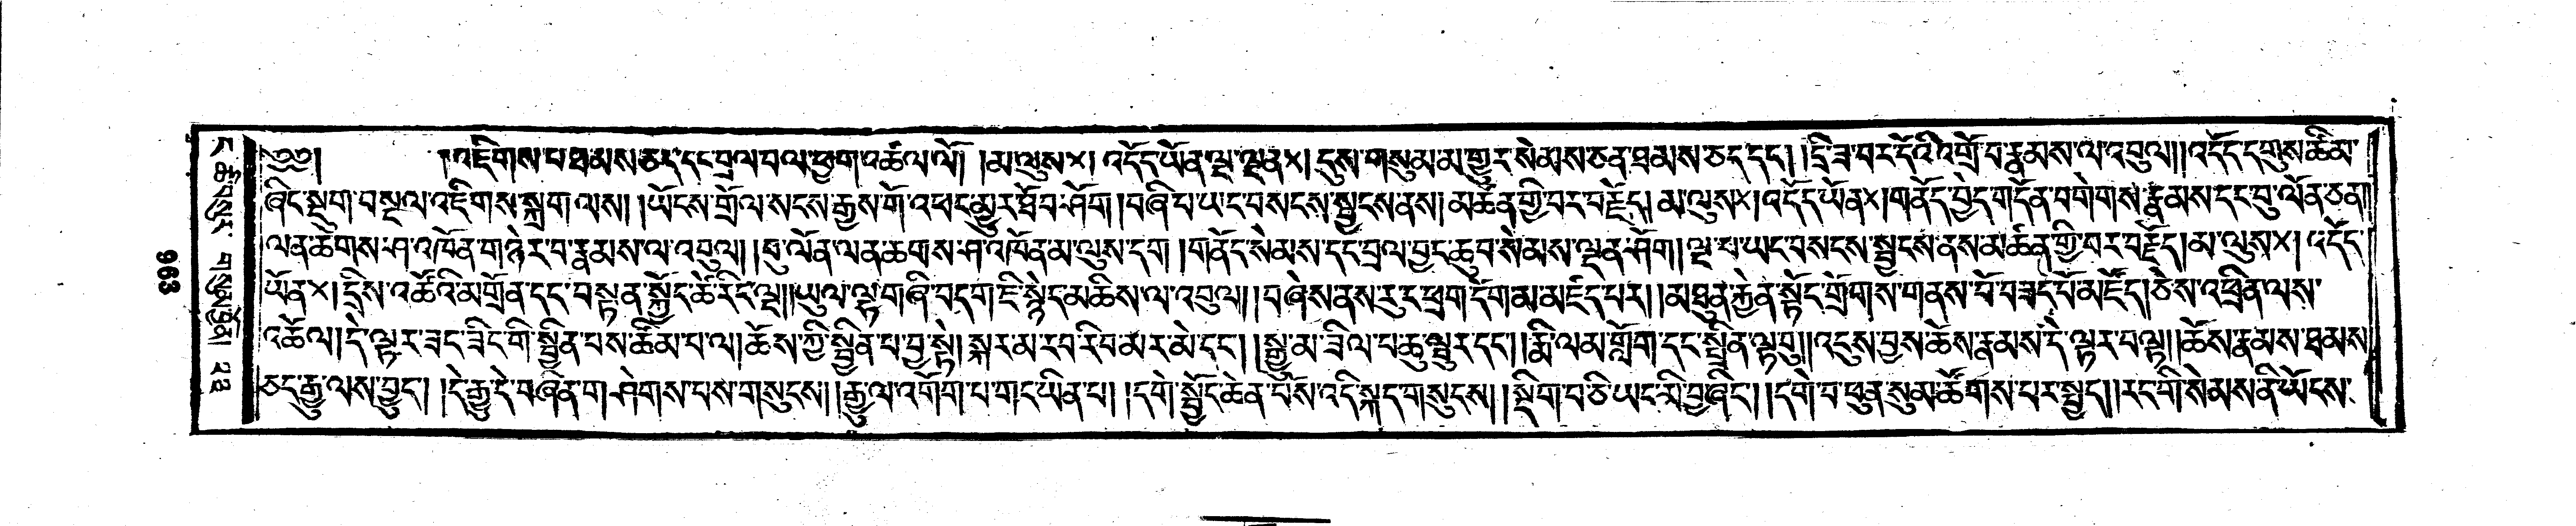༄༅། །འཇིགས་པ་ཐམས་ཅད་དང་བྲལ་བ་ལ་ཕྱག་འཚལ་ལོ། །མ་ལུས་྾། འདོད་ཡོན་ལྔ་ལྡན་྾། དུས་གསུམ་མ་གྱུར་སེམས་ཅན་ཐམས་ཅད་དང་། །དྲི་ཟ་བར་དོའི་འགྲོ་བ་རྣམས་ལ་འབུལ། །འདོད་དགུས་ཚིམ་
ཞིང་སྡུག་བསྔལ་འཇིགས་སྐྲག་ལས། །ཡོངས་གྲོལ་སངས་རྒྱས་གོ་འཕང་མྱུར་ཐོབ་ཤོག །བཞི་པ་ཡང་བསངས་སྦྱངས་ནས། མཚན་གྱི་བར་བརྗོད། མ་ལུས་྾། འདོད་ཡོན་྾། གནོད་བྱེད་གདོན་བགེགས་རྣམས་དང་བུ་ལོན་ཅན། །
ལན་ཆགས་ཤ་འཁོན་གཉེར་བ་རྣམས་ལ་འབུལ། །བུ་ལོན་ལན་ཆགས་ཤ་འཁོན་མ་ལུས་དག །གནོད་སེམས་དང་བྲལ་བྱང་ཆུབ་སེམས་ལྡན་ཤོག །ལྔ་པ་ཡང་བསངས་སྦྱངས་ནས་མཚན་གྱི་བར་བརྗོད། མ་ལུས་྾། འདོད་
ཡོན་྾། དྲིས་འཚོའི་མགྲོན་དང་བསྟན་སྐྱོང་ཚེ་རིང་ལྔ། །ཡུལ་ལྷ་གཞི་བདག་ཇི་སྙེད་མཆིས་ལ་འབུལ། །བཞེས་ནས་རུ་ང་ཕྲག་དོག་མ་མཛད་པར། །མཐུན་རྐྱེན་སྟོང་གྲོགས་གནས་པོ་བཟང་པོ་མཛོད། ཅེས་འཕྲིན་ལས་
འཆོལ། དེ་ལྟར་ཟང་ཟིང་གི་སྦྱིན་པས་ཚིམ་པ་ལ། ཆོས་ཀྱི་སྦྱིན་པ་བྱ་སྟེ། སྐར་མ་རབ་རིབ་མར་མེ་དང་། །སྒྱུ་མ་ཟིལ་པ་ཆུ་ལྦུར་དང་། །རྨི་ལམ་གློག་དང་སྤྲིན་ལྟ་བུ། །འདུས་བྱས་ཆོས་རྣམས་དེ་ལྟར་བལྟ། །ཆོས་རྣམས་ཐམས་
ཅད་རྒྱུ་ལས་བྱུང་། །དེ་རྒྱུ་དེ་བཞིན་གཤེགས་པས་གསུངས། །རྒྱུ་ལ་འགོག་པ་གང་ཡིན་པ། །དགེ་སྦྱོང་ཆེན་པོས་འདི་སྐད་གསུངས། །སྡིག་པ་ཅི་ཡང་མི་བྱ་ཞིང་། །དགེ་བ་ཕུན་སུམ་ཚོགས་པར་སྤྱད། །རང་གི་སེམས་ནི་ཡོངས་